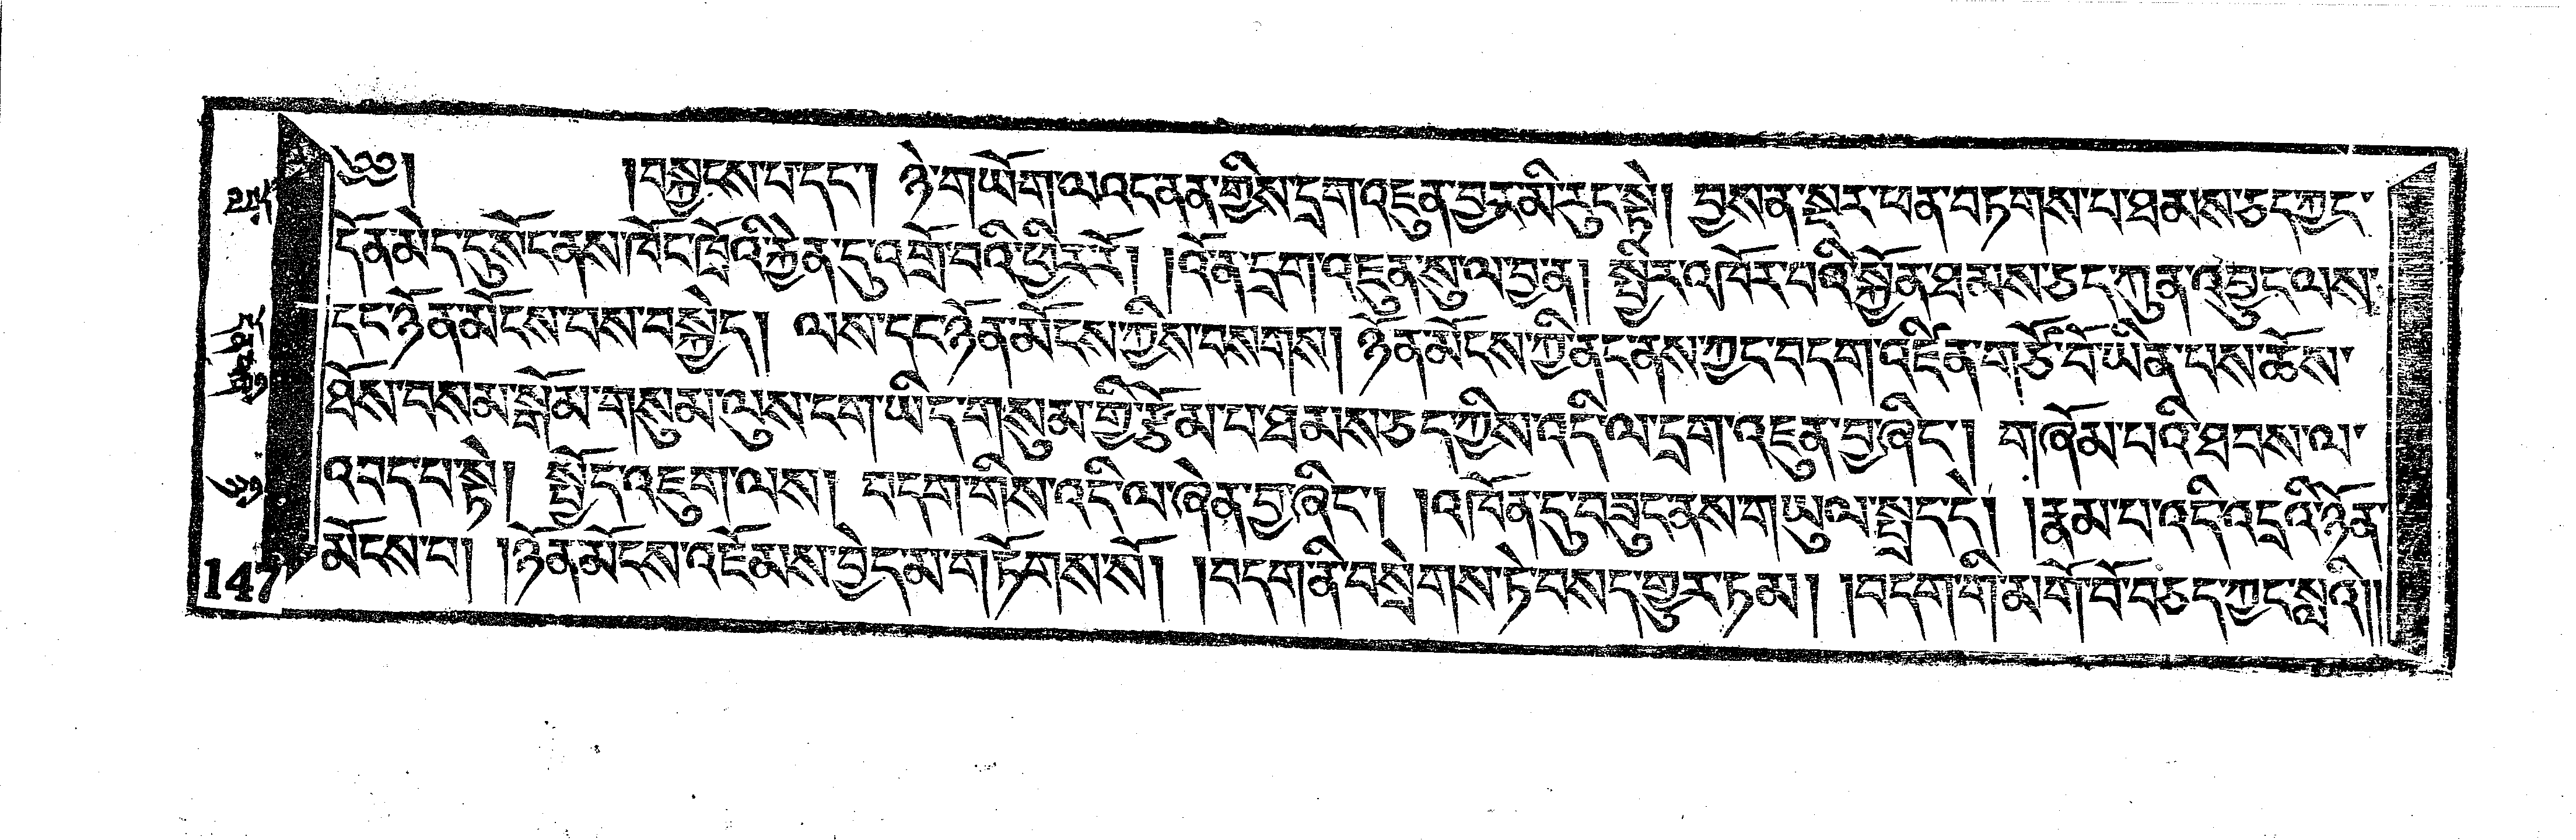༄༅། །བསྐྱངས་པ་དང་། ཉེ་གཡོག་ལའང་ནན་གྱིས་དྲག་འཇུན་བྱར་མི་རུང་སྟེ། བྱས་ན་སྔར་ཕན་བཏགས་པ་ཐམས་ཅད་ཀྱང་
དོན་མེད་དུ་སོང་ནས་ཁོང་ཁྲོའི་རྐྱེན་དུ་འགྲོ་བའི་ཕྱིར་རོ། །འོ་ན་དྲག་འཇུན་སུ་ལ་བྱ་ན། སྤྱིར་འཁོར་བའི་སྐྱོན་ཐམས་ཅད་ཀུན་འབྱུང་ལས་
དང་ཉོན་མོངས་པས་བསྐྱེད། ལས་དང་ཉོན་མོངས་ཀྱིས་བསགས། ཉོན་མོངས་ཀྱི་ནང་ནས་ཀྱང་བདག་འཛིན་གཙོ་བོ་ཡིན་པས་ཆོས་
ཐོས་བསམ་སྒོམ་གསུམ་ལུས་ངག་ཡིད་གསུམ་གྱི་རྩོམ་པ་ཐམས་ཅད་ཀྱིས་འདི་ལ་དྲག་འཇུན་བྱ་ཞིང་། གཞོམ་པའི་ཐབས་ལ་
འབད་པ་སྟེ། སྤྱོད་འཇུག་ལས། བདག་གིས་འདི་ལ་ཞེན་བྱ་ཞིང་། །འཁོན་དུ་བཟུང་ནས་གཡུལ་སྤྲད་དེ། །རྣམ་པ་འདི་འདྲའི་ཉོན་
མོངས་པ། །ཉོན་མོངས་འཇོམས་བྱེད་མ་གཏོགས་སོ། །བདག་ནི་བསྲེགས་ཏེ་བསད་གྱུར་ཏམ། །བདག་གི་མགོ་བོ་བཅད་ཀྱང་སླའི།།